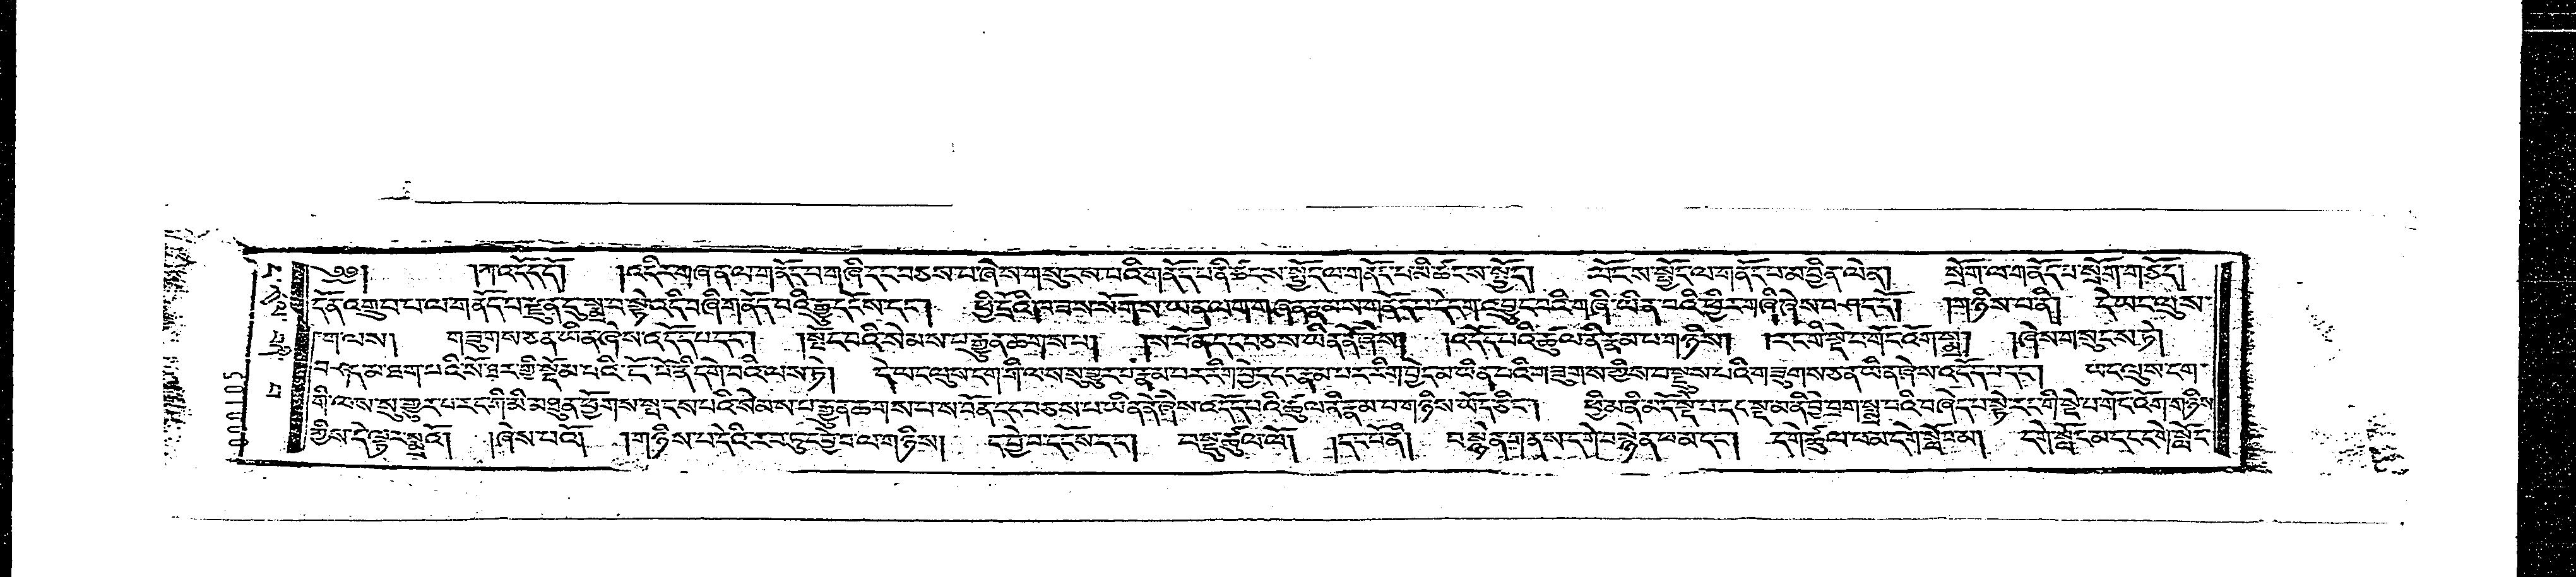༄༅། །ཀ་འདོད་དོ། །འདིར་གཞན་ལ་གནོད་པ་གཞི་དང་བཅས་པ་ཞེས་གསུངས་པའི་གནོད་པ་ནི་ཚངས་སྤྱོད་ལ་གནོད་པ་མི་ཚངས་སྤྱོད། ལོངས་སྤྱོད་ལ་གནོད་པ་མ་བྱིན་ལེན། སྲོག་ལ་གནོད་པ་སྲོག་གཅོད།
དོན་འགྲུབ་པ་ལ་གནོད་པ་རྫུན་དུ་སྨྲ་བ་སྟེ་འདི་བཞི་གནོད་པའི་རྒྱུ་དངོས་དང་། ཕྱི་དྲོའི་ཁ་ཟས་སོགས་ཡན་ལག་གཞན་རྣམས་གནོད་པ་དེ་དག་འབྱུང་བའི་གཞི་ཡིན་པའི་ཕྱིར་གཞི་ཞེས་བཤད་དོ། །གཉིས་པ་ནི། དེ་ཡང་ལུས་
ག་ལས། གཟུགས་ཅན་ཡིན་ཞེས་འདོད་པ་དང་། །སྤོང་བའི་སེམས་པ་རྒྱུན་ཆགས་པ། །ས་བོན་དང་བཅས་ཡིན་ནོ་ཞེས། །འདོད་པའི་ཚུལ་ནི་རྣམ་པ་གཉིས། །རང་གི་སྡེ་པ་གོང་འོག་སྨྲ། །ཞེས་གསུངས་ཏེ།
བཤད་མ་ཐག་པའི་སོ་ཐར་གྱི་སྡོམ་པའི་ངོ་བོ་ནི་དགེ་བའི་ལས་ཏེ། དེ་ཡང་ལུས་ངག་གི་ལས་སུ་གྱུར་པ་རྣམ་པར་རིག་བྱེད་དང་རྣམ་པར་རིག་བྱེད་མ་ཡིན་པའི་གཟུགས་ཀྱིས་བསྡུས་པའི་གཟུགས་ཅན་ཡིན་ཞེས་འདོད་པ་དང་། ཡང་ལུས་ངག་
གི་ལས་སུ་གྱུར་པ་རང་གི་མི་མཐུན་ཕྱོགས་སྤངས་པའི་སེམས་པ་རྒྱུན་ཆགས་པ་ས་བོན་དང་བཅས་པ་ཡིན་ནོ་ཞེས་འདོད་པའི་ཚུལ་ནི་རྣམ་པ་གཉིས་ཡོད་ཅིང་། ཕྱི་མ་ནི་མདོ་སྡེ་པ་དང་སྔ་མ་ནི་བྱེ་བྲག་སྨྲ་བའི་བཞེད་པ་སྟེ་རང་གི་སྡེ་པ་གོང་འོག་གཉིས་
ཀྱིས་དེ་ལྟར་སྨྲའོ། །ཞེས་པའོ། །གཉིས་པ་དེའི་རབ་ཏུ་དབྱེ་བ་ལ་གཉིས། དབྱེ་བ་དངོས་དང་། བསྡུ་ཚུལ་ལོ། །དང་པོ་ནི། བསྙེན་གནས་དགེ་བསྙེན་ཕ་མ་དང་། དགེ་ཚུལ་ཕ་མ་དགེ་སློབ་མ། དགེ་སློང་མ་དང་དགེ་སློང་